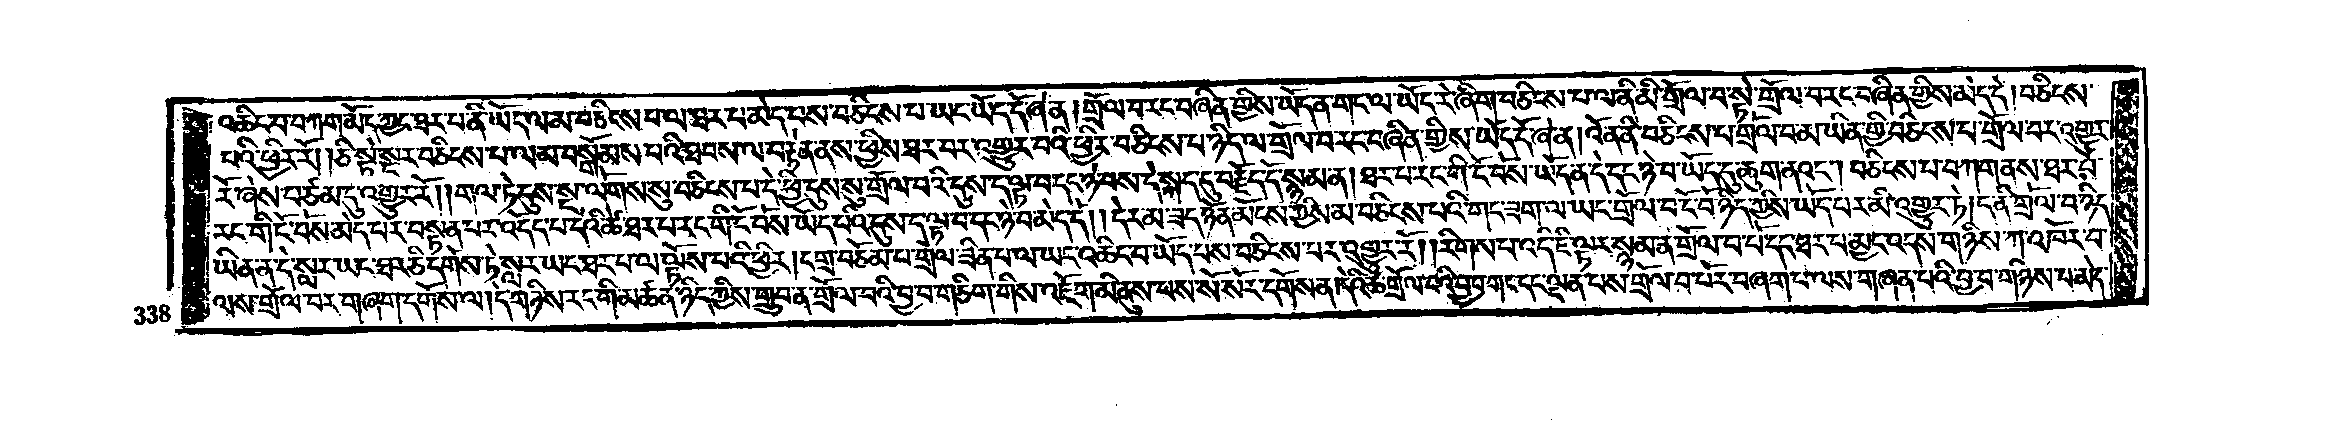འཆིང་བ་བཀག་མོད་ཀྱང་ཐར་པ་ནི་ཡོད་ལ་མ་བཅིངས་པ་ལ་ཐར་པ་མེད་པས་བཅིངས་པ་ཡང་ཡོད་དོ་ཞེ་ན། གྲོལ་བ་རང་བཞིན་གྱིས་ཡོད་ན་གང་ལ་ཡོད་རེ་ཞིག་བཅིངས་པ་ལ་ནི་མི་གྲོལ་བ་སྟེ་གྲོལ་བ་རང་བཞིན་གྱིས་མེད་དེ། བཅིངས་
པའི་ཕྱིར་རོ། །ཅི་སྟེ་སྔར་བཅིངས་པ་ལམ་བསྐྲེམས་པའི་ཐབས་ལ་བརྟེན་ནས་ཕྱིས་ཐར་པར་འགྱུར་བའི་ཕྱིར་བཅིངས་པ་ཉིད་ལ་གྲོལ་བ་རང་བཞིན་གྱིས་ཡོད་དོ་ཞེ་ན། འོ་ན་ནི་བཅིངས་པ་གྲོལ་བ་མ་ཡིན་གྱི་བཅིངས་པ་གྲོལ་བར་འགྱུར་
རོ་ཞེས་པ་ཙམ་དུ་འགྱུར་རོ། །གལ་ཏེ་དུས་སྔ་ལོགས་སུ་བཅིངས་པ་དེ་ཕྱི་དུས་སུ་གྲོལ་བའི་དུས་ད་ལྟ་བ་དང་ཉེ་བས་དེ་སྐད་དུ་བརྗོད་དོ་སྙམ་ན། ཐར་པ་རང་གི་ངོ་བོས་ཡོད་ན་དེ་དང་ཉ་བ་ཡོད་དུ་ཆུག་ནའང་། བཅིངས་པ་བཀག་ནས་ཐར་པ་
རང་གི་ངོ་བོས་མེད་པར་བསྟན་པར་འདོད་པ་དེའི་ཚེ་ཐར་པ་རང་གི་ངོ་བོས་ཡོད་པའི་དུས་ད་ལྟ་བ་དང་ཉེ་བ་མེད་དོ། །དེར་མ་ཟད་ཉེན་མོངས་ཀྱིས་མ་བཅིངས་པའི་གང་ཟག་ལ་ཡང་གྲོལ་བ་ངོ་བོ་ཉིད་ཀྱིས་ཡོད་པར་མི་འགྱུར་ཏེ། ད་ནི་གྲོལ་བ་ཉིད་
ཡིན་ན་དེ་སླར་ཡང་ཐར་ཅི་དགོས་ཏེ་སླར་ཡང་ཐར་པ་ལ་ལྟོས་པའི་ཕྱིར། དགྲ་བཅོམ་པ་གྲེལ་ཟིན་པ་ལ་ཡང་འཆིང་བ་ཡོད་པས་བཅིངས་པར་འགྱུར་རོ། །རིགས་པ་འདི་ཇི་ལྟར་སྙམ་ན་གྲོལ་བ་པོ་དང་ཐར་པ་མྱང་འདས་གཉིས་ཀ་འཁོར་བ་
ལས་གྲོལ་བར་གཞག་དགོས་ལ། དེ་གཉིས་རང་གི་མཚན་ཉིད་ཀྱིས་གྲུབ་ན་གྲེལ་པའི་བྱ་བ་གཅིག་གིས་འཇོག་མི་ནུས་པས་སོ་སོར་དགོས་ན། དེའི་ཚེ་གྲོལ་བའི་བྱ་བ་གང་དང་ལྡན་པས་གྲོལ་བ་པོར་བཞག་པ་ལས་གཞན་པའི་བྱ་བ་གཉིས་པ་མེད་